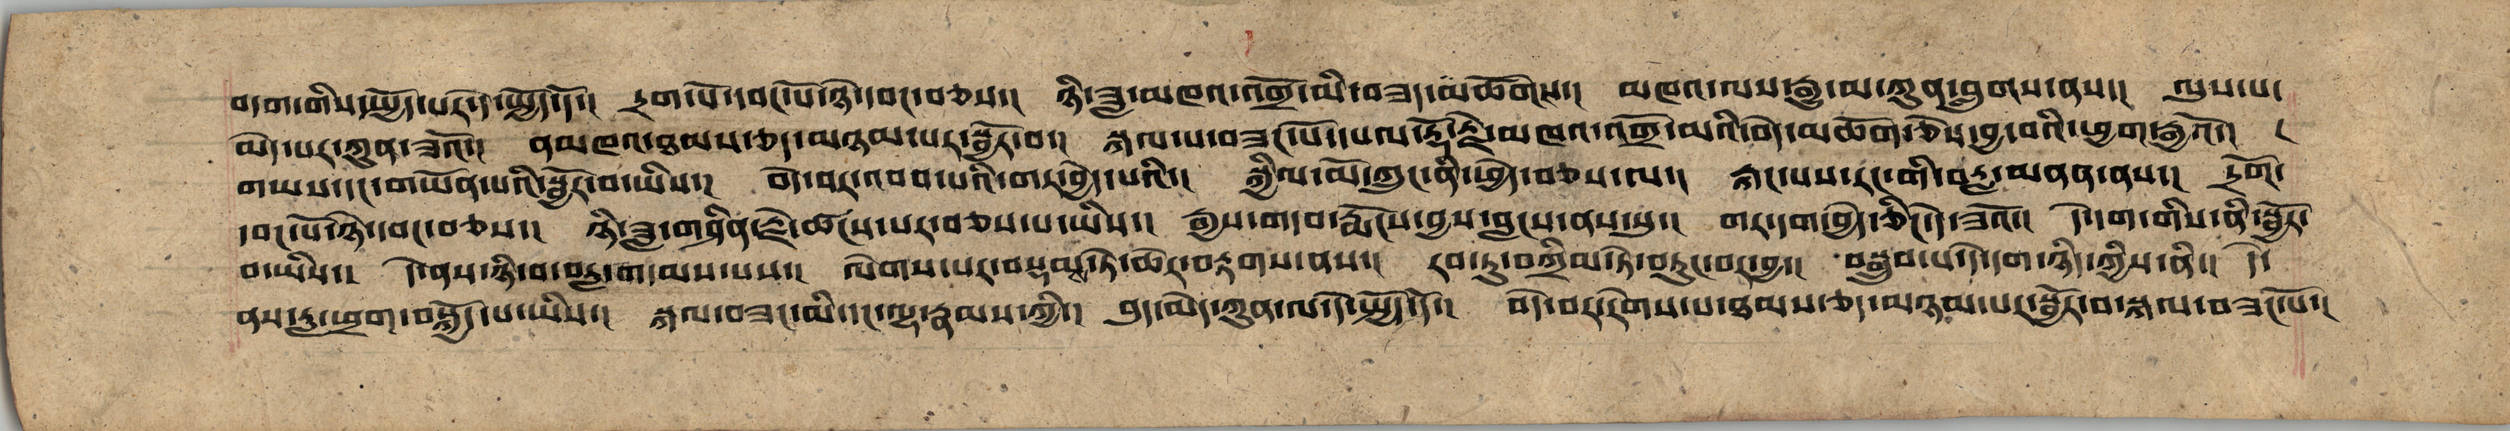བདག་གིས་སྤྱོད་པར་དེ་སྤྱོད་དོ་། དྲག་པོ་དབང་པོ་ཉེ་དབང་བཅས་། ཉི་ཟླ་མཁའ་འགྲོ་མི་བཟད་མཆོགས་། མཁའ་ལས་རྒྱུ་མ་ཀུན་བླུགས་ནས་། ལུས་པ་
མེད་པར་ཀུན་ཟའོ་། ནམཁའ་ཐམས་ཅད་མཉམ་པར་སྦྱོར་བ་། སྐལ་པ་བཟང་པོ་་དཔལ་རྡོ་རྗེ་མཁའ་འགྲོ་མའི་བདེ་མཆོག་ཅེས་བྱ་བའི་ཕྱག་རྒྱའོ་། །
གཡས་དང་གཡོན་པའི་སྦྱོར་བ་ཡིས་། བདེ་བར་འབབ་པའི་གར་བྱེད་པའི་། སྐྱིལ་མོ་ཀྲུང་ནི་ཕྱེད་བཅས་ལ་། རྐང་པས་རང་གི་བརླ་མནན་ནས་། དྲགོ་
དབང་པོ་ཉེ་དབང་བཅས་། ཉི་ཟླ་གཤིན་རྗེ་ཚངས་པར་བཅས་པ་ཡིས་། རྒྱས་གདབ་རྨོངས་བྱས་བླངས་ནས་སུ་། གར་དག་བྱེད་ཅིང་དེ་ཟའོ་། དེ་དག་གིས་ནི་སྦྱོར་
བ་ཡིས་། དེ་ནས་ཉི་བ་བརླ་གདམས་པས་། ལེགས་པར་བསྡམས་ཏེ་ཆེར་བརྟགས་ནས་། རབ་ཏུ་བཀྲིམ་ཏེ་བཏུང་བར་བྱ་། བསྒྲུབ་པ་དེ་དག་ཉིད་ཀྱིས་ནི་། །
ནས་རླ་ཕྲག་བསྐྱོད་པ་ཡིས་། སྐལ་བཟང་མི་དང་ལྷ་རྣམས་ཀྱི་། བུད་མེད་ཀུན་ལ་དེ་སྤྱོད་དོ་། བདེ་བར་རེགས་པ་ཐམས་ཅད་མཉམ་པར་སྦྱོར་བ་སྐལ་བཟང་པོ་།